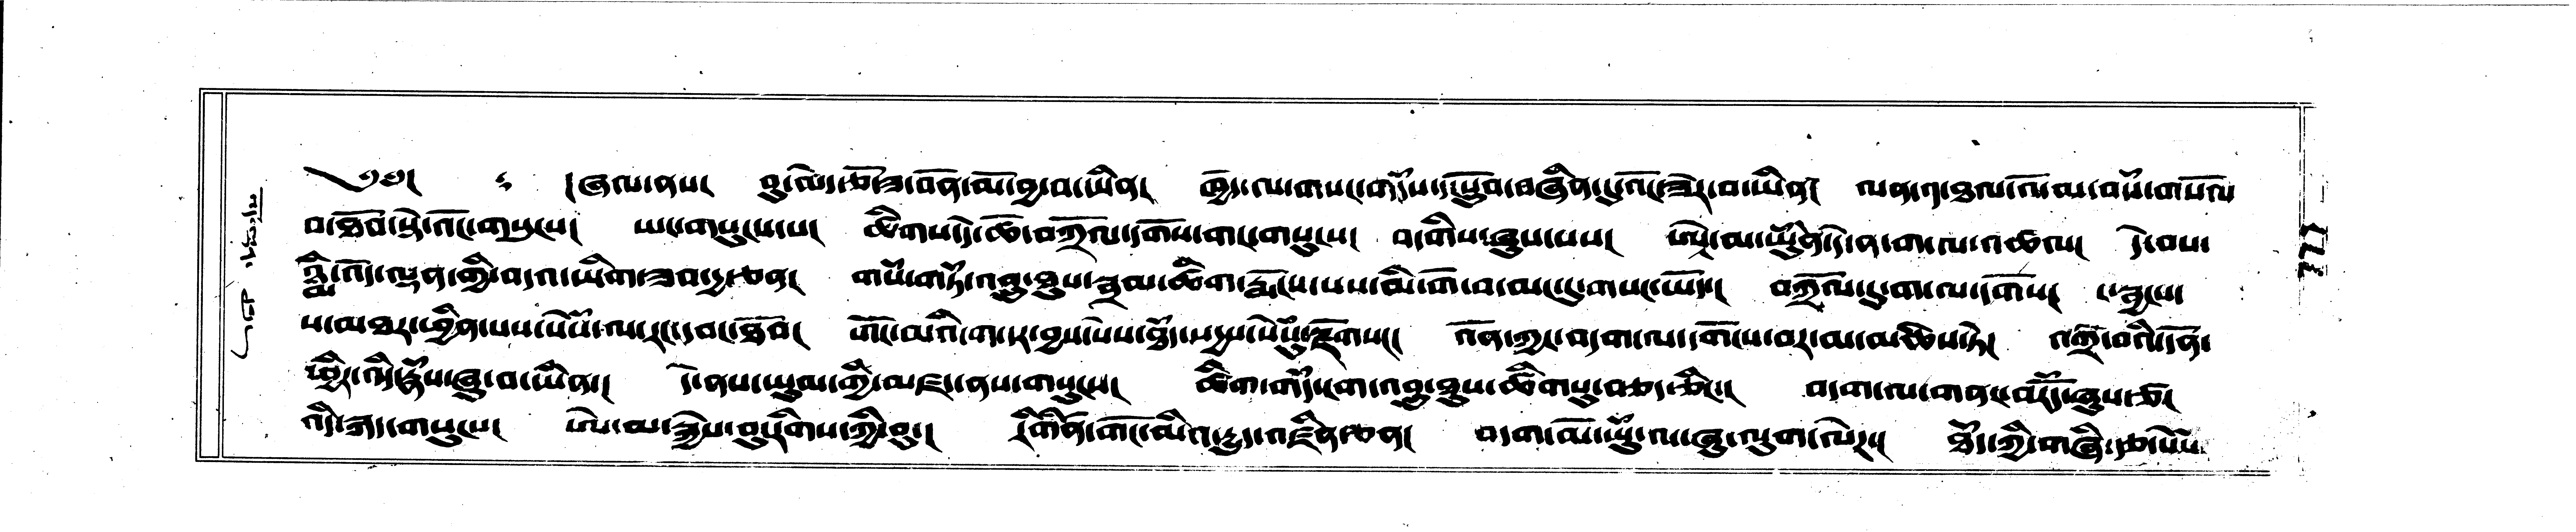འོད་ལྡན་འབར་མའི་ཞལ་ནས། བུད་མེད་ཅོ་ཟ་བོན་མོ་བྱ་བ་ཡིན། ཁྱོད་ལ་གསང་གདམས་དངོས་གྲུབ་བཞིན་དུ་འོང་ཟེར་བ་ཡིན། ལན་གཅིག་ཐལ་འོ་མ་བསམ་གསོལ་
བ་ཐོབས་ཏེ་འོང་གསུངས། ཡང་གསུངས་པ། ཚིག་དེ་ཚོ་བཀྲོལ་དགོས་གང་གསུངས། བདག་གིས་ཞུས་པས། ཨེ་མ་ཡུམ་ཆེན་དེ་ན་ག་ལ་འཚལ། དེ་བས་
ཉི་མ་འོད་ལྡན་གྱིས་བརྡ་ཡིག་ཟབ་རྒྱ་ཅན། གསང་གཏམ་འབྲུ་ཐུས་སྦྲམ་ཚིག་རྨོངས་པས་མི་གོ་བ་མང་དུ་གསུངས་ཡོད་པ། བཀྲོལ་དུ་ག་ལ་དགོས། ང་སྦྱོང་
པ་མཐར་ཕྱིན་པས་སེམས་ལ་རང་དབང་ཐོབ། གོང་མས་ག་དར་བྱས་པས་ཐམས་ཅད་སངས་རྒྱས་སེམས་སུ་རྫོགས། འོན་ཀྱང་བདག་ལ་དགོས་པ་མ་མཆིས་ཏེ། འགྲོ་བའི་དོན་
ཕྱིར་འདི་རྣམས་ཞུ་བ་ཡིན། དེ་ནས་ཡུམ་གྱིས་མཛད་ནས་གསུངས། ཚིག་གདམས་ངག་འབྲུ་ཐུས་ཚིགས་སུ་བཅད་ཅིང་། བདག་ལ་གནང་བར་མཛོད་ཞུས་ཙ། 
འདི་སྐད་གསུངས། ཨེ་མ་སྐྱེས་བུ་རིགས་ཀྱི་བུ། །རིག་འཛིན་གོང་མའི་རྒྱུད་འཛིན་ཅན། །བདག་མོ་ཡུམ་ལ་ཞུ་ལུགས་ལེགས། །ཐམས་ཅད་ཀྱི་གཞི་རྩ་སེམས་